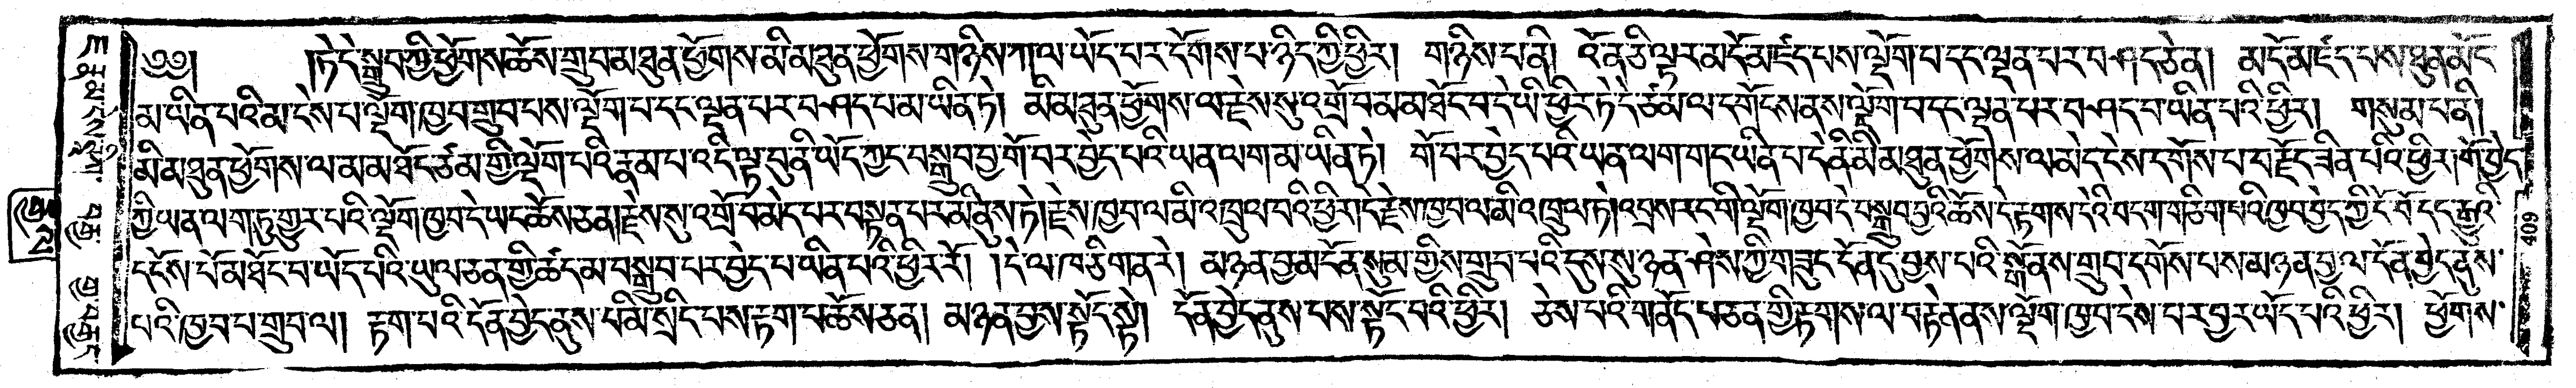༄༅། །ཏེ་དེ་སྒྲུབ་ཀྱི་ཕྱོགས་ཆོས་གྲུབ་མཐུན་ཕྱོགས་མི་མཐུན་ཕྱོགས་གཉིས་ཀ་ལ་ཡོད་པར་དོགས་པ་ཉིད་ཀྱི་ཕྱིར། གཉིས་པ་ནི། འོ་ན་ཅི་ལྟར་མདོ་མཛད་པས་ལྡོག་པ་དང་ལྡན་པར་བཤད་ཅེ་ན། མདོ་མཛད་པས་ཐུན་མོང་
མ་ཡིན་པའི་མ་ངེས་པ་ལྡོག་ཁྱབ་གྲུབ་པས་ལྡོག་པ་དང་ལྡན་པར་བཤད་པ་མ་ཡིན་ཏེ། མི་མཐུན་ཕྱོགས་ལ་རྗེས་སུ་འགྲོ་བ་མ་མཐོང་བ་དེ་ཡི་ཕྱིར་ཏེ་དེ་ཙམ་ལ་དགོངས་ནས་ལྡོག་པ་དང་ལྡན་པར་བཤད་པ་ཡིན་པའི་ཕྱིར། གསུམ་པ་ནི།
མི་མཐུན་ཕྱོགས་ལ་མ་མཐོང་ཙམ་གྱི་ལྡོག་པའི་རྣམ་པ་འདི་ལྟ་བུ་ནི་ཡོད་ཀྱང་བསྒྲུབ་བྱ་གོ་བར་བྱེད་པའི་ཡན་ལག་མ་ཡིན་ཏེ། གོ་བར་བྱེད་པའི་ཡན་ལག་གང་ཡིན་པ་དེ་ནི་མི་མཐུན་ཕྱོགས་ལ་མེད་ངེས་དགོས་པ་བརྗོད་ཟིན་པའི་ཕྱིར། གོ་བྱེད་
ཀྱི་ཡན་ལག་ཏུ་གྱུར་པའི་ལྡོག་ཁྱབ་དེ་ཡང་ཆོས་ཅན། རྗེས་སུ་འགྲོ་བ་མེད་པར་བསྟན་པར་མི་ནུས་ཏེ། རྗེས་ཁྱབ་ལ་མི་འཁྲུལ་བའི་ཕྱིར། རྗེས་ཁྱབ་ལ་མི་འཁྲུལ་ཏེ། འབྲས་རང་གི་ལྡོག་ཁྱབ་དེ་བསྒྲུབ་བྱའི་ཆོས་དེ་རྟགས་དེའི་བདག་གཅིག་པའི་ཁྱབ་བྱེད་ཀྱི་ངོ་བོ་དང་རྒྱུའི་
དངོས་པོ་མཐོང་བ་ཡོད་པའི་ཡུལ་ཅན་གྱི་ཚད་མ་བསྒྲུབ་པར་བྱེད་པ་ཡིན་པའི་ཕྱིར་རོ། །དེ་ལ་ཁ་ཅིག་ན་རེ། མཉན་བྱ་མངོན་སུམ་གྱིས་གྲུབ་པའི་དུས་སུ་ཉན་ཤེས་ཀྱི་གཟུང་དོན་དུ་བྱས་པའི་སྒོ་ནས་གྲུབ་དགོས་པས་མཉན་བྱ་ལ་དོན་བྱེད་ནུས་
པའི་ཁྱབ་པ་གྲུབ་ལ། རྟག་པའི་དོན་བྱེད་ནུས་པ་མི་སྲིད་པས་རྟག་པ་ཆོས་ཅན། མཉན་བྱས་སྟོང་སྟེ། དོན་བྱེད་ནུས་པས་སྟོང་བའི་ཕྱིར། ཅེས་པའི་གནོད་པ་ཅན་གྱི་རྟགས་ལ་བརྟེན་ནས་ལྡོག་ཁྱབ་ངེས་པར་བྱར་ཡོད་པའི་ཕྱིར། ཕྱོགས་